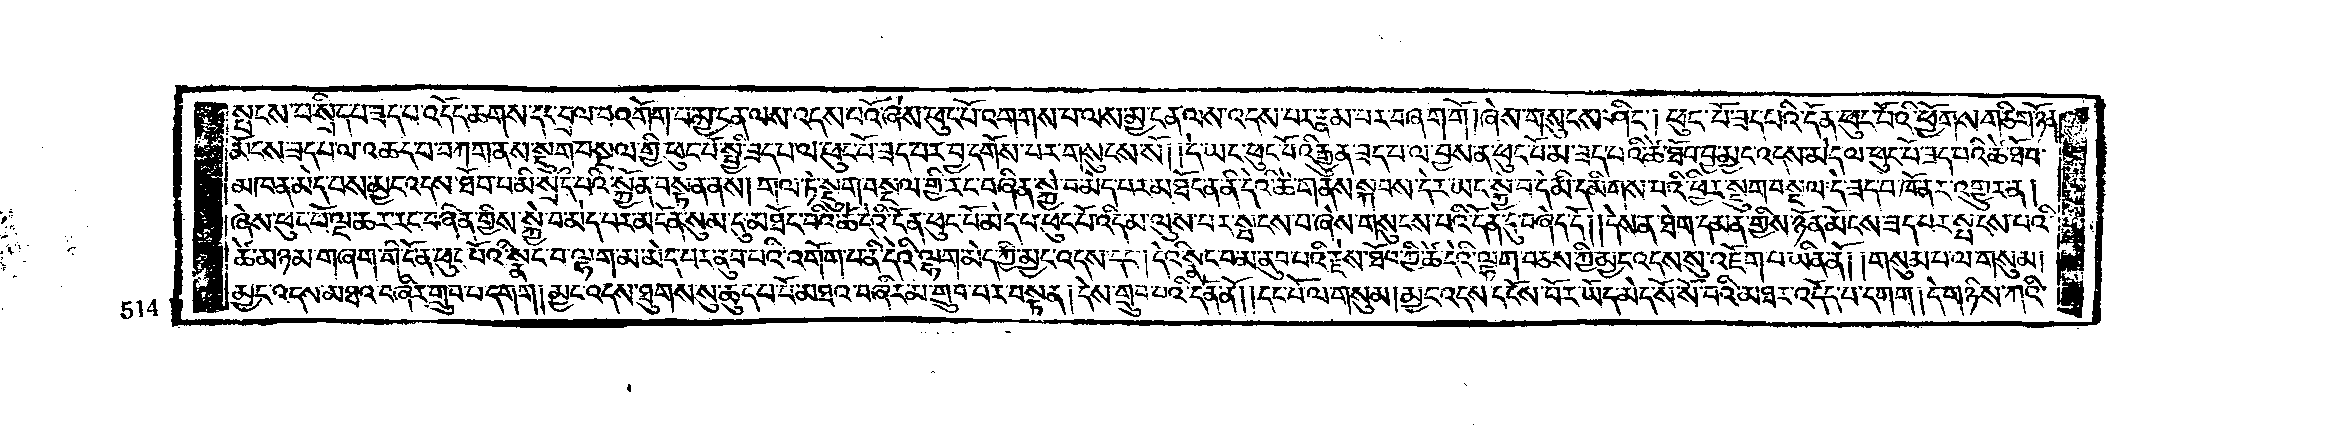སྤངས་པ་སྲིད་བ་ཟད་པ་འདོད་ཆགས་དང་བྲལ་བ་འགོག་པ་མྱ་ངན་ལས་འདས་པའོ་ཞེས་ཕུང་པོ་འགགས་པ་ལས་མྱ་ངན་ལས་འདས་པར་རྣམ་པར་བཞག་གོ། ཞེས་གསུངས་ཤིང་། ཕུང་པོ་ཟད་པའི་དོན་ཕུང་པོའི་ཕྱོགས་གཅིག་ཉོན་
མོངས་ཟད་པ་ལ་འཆད་པ་བཀག་ནས་སྡུག་བསྔལ་གྱི་ཕུང་པོ་སྤྱི་ཟད་པ་ལ་ཕུང་པོ་ཟད་པར་བྱ་དགོས་པར་གསུངས་སོ། །དེ་ཡང་ཕུང་པོའི་རྒྱུན་ཟད་པ་ལ་བྱས་ན་ཕུང་པོ་མ་ཟད་པའི་ཚེ་ཐོབ་བྱ་མྱང་འདས་མེད་ལ་ཕུང་པོ་ཟད་པའི་ཚེ་ཐོབ་
མཁན་མེད་པས་མྱང་འདས་ཐོབ་པ་མི་སྲིད་པའི་སྐྱོན་བསྟན་ནས། གལ་ཏེ་སྡུག་བསྔལ་གྱི་རང་བཞིན་སྐྱེ་བ་མེད་པར་མཐོང་ན་ནི་དེའི་ཚེ་གནས་སྐབས་དེར་ཡང་སྐྱེ་བ་དེ་མི་དམིགས་པའི་ཕྱིར་སྡུག་བསྔལ་དེ་ཟད་བ་ཁོ་ནར་འགྱུར་ན།
ཞེས་ཕུང་པོ་ལྔ་ཆར་རང་བཞིན་གྱིས་སྐྱེ་བ་མེད་པར་མངོན་སུམ་དུ་མཐོང་བའི་ཚེ་དེའི་དོན་ཕུང་པོ་མེད་པ་ཕུང་པོ་འདི་མ་ལུས་པར་སྤངས་པ་ཞེས་གསུངས་པའི་དོན་དུ་བཞེད་དོ། །དེས་ན་ཐེག་དམན་གྱིས་ཉོན་མོངས་ཟད་པར་སྤངས་པའི་
ཚེ་མཉམ་གཞག་གི་ཡོན་ཕུང་པོའི་སྣང་བ་ལྷག་མ་མེད་པར་ནུབ་པའི་འགོག་པ་ནི་དེའི་ལྷག་མེད་ཀྱི་མྱང་འདས་དང་། དེའི་སྣང་བ་མ་ནུབ་པའི་རྗེས་ཐོབ་ཀྱི་ཚེ་དེའི་ལྷག་བཅས་ཀྱི་མྱང་འདས་སུ་འཇོག་པ་ཡིན་ནོ། །གསུམ་པ་ལ་གསུམ།
མྱང་འདས་མཐའ་བཞིར་གྲུབ་པ་དགག། མྱང་འདས་ཐུགས་སུ་ཆུད་པ་པོ་མཐའ་བཞིར་མ་གྲུབ་པར་བསྟན། དེས་གྲུབ་པའི་དོན་ནོ། །དང་པོ་ལ་གསུམ། མྱང་འདས་དངོས་པོར་ཡོད་མེད་སོ་སོ་བའི་མཐར་འདོད་པ་དགག། དེ་གཉིས་ཀའི་